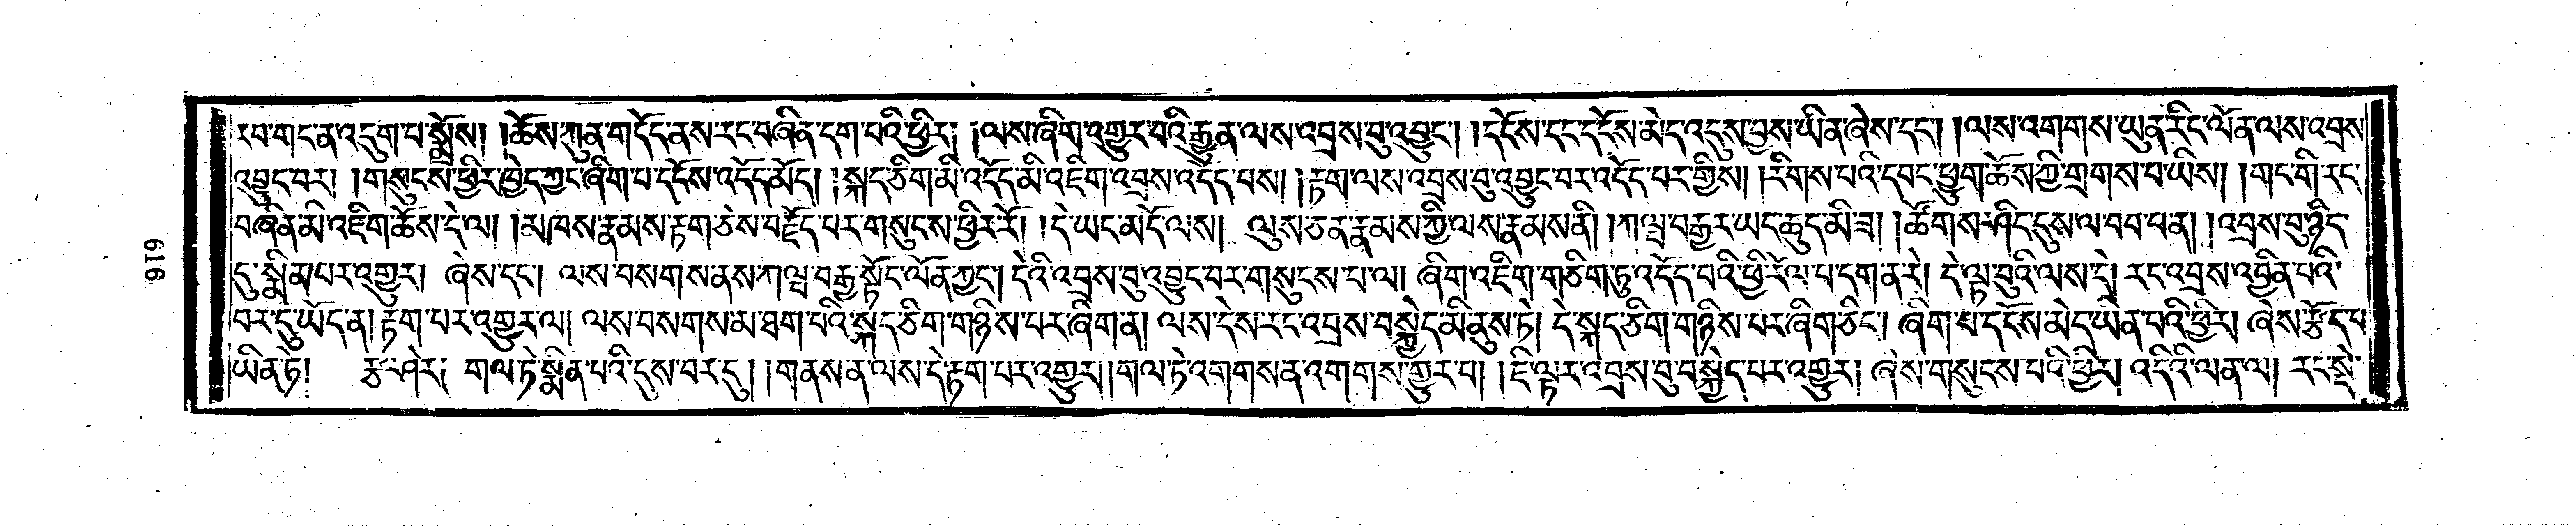རབ་གང་ན་འདུག་པ་སྨྲོས། །ཆོས་ཀུན་གདོད་ནས་རང་བཞིན་དག་པའི་ཕྱིར། །ལས་ཞིག་འགྱུར་བའི་རྒྱུན་ལས་འབྲས་བུ་འབྱུང་། །དངོས་དང་དངོས་མེད་འདུས་བྱས་ཡིན་ཞེས་དང་། །ལས་འགགས་ཡུན་རིང་ལོན་ལས་འབྲས་
འབྱུང་བར། །གསུངས་ཕྱིར་ཁྱེད་ཀྱང་ཞིག་པ་དངོས་འདོད་མོད། །སྐད་ཅིག་མི་འདོད་མི་འཇིག་འབྲས་འདོད་པས། །རྟག་ལས་འབྲས་བུ་འབྱུང་བར་འདོད་པར་གྱིས། །རིགས་པའི་དབང་ཕྱུག་ཆོས་ཀྱི་གྲགས་པ་ཡིས། །གང་གི་རང་
བཞིན་མི་འཇིག་ཆོས་དེ་ལ། །མཁས་རྣམས་རྟག་ཅེས་བརྗོད་པར་གསུངས་ཕྱིར་རོ། །དེ་ཡང་མདོ་ལས། ལུས་ཅན་རྣམས་ཀྱི་ལས་རྣམས་ནི། །ཀལྤ་བརྒྱར་ཡང་ཆུད་མི་ཟ། །ཚོགས་ཤིང་དུས་ལ་བབ་པ་ན། །འབྲས་བུ་ཉིད་
དུ་སྨིན་པར་འགྱུར། ཞེས་དང་། ལས་བསགས་ནས་ཀལྤ་བརྒྱ་སྟོང་ལོན་ཀྱང་། དེའི་འབྲས་བུ་འབྱུང་བར་གསུངས་པ་ལ། ཞིག་འཇིག་གཅིག་ཏུ་འདོད་པའི་ཕྱི་རོལ་པ་དག་ན་རེ། དེ་ལྟ་བུའི་ལས་དེ། རང་འབྲས་འབྱིན་པའི་
བར་དུ་ཡོད་ན། རྟག་པར་འགྱུར་ལ། ལས་བསགས་མ་ཐག་པའི་སྐད་ཅིག་གཉིས་པར་ཞིག་ན། ལས་དེས་རང་འབྲས་བསྐྱེད་མི་ནུས་ཏེ། དེ་སྐད་ཅིག་གཉིས་པར་ཞིག་ཅིང་། ཞིག་པ་དངོས་མེད་ཡིན་པའི་ཕྱིར། ཞེས་རྩོད་པ་
ཡིན་ཏེ། རྩ་ཤེར། གལ་ཏེ་སྨིན་པའི་དུས་བར་དུ། །གནས་ན་ལས་དེ་རྟག་པར་འགྱུར། །གལ་ཏེ་འགགས་ན་འགགས་གྱུར་པ། །ཇི་ལྟར་འབྲས་བུ་བསྐྱེད་པར་འགྱུར། ཞེས་གསུངས་པའི་ཕྱིར། འདིའི་ལན་ལ། རང་སྡེ་